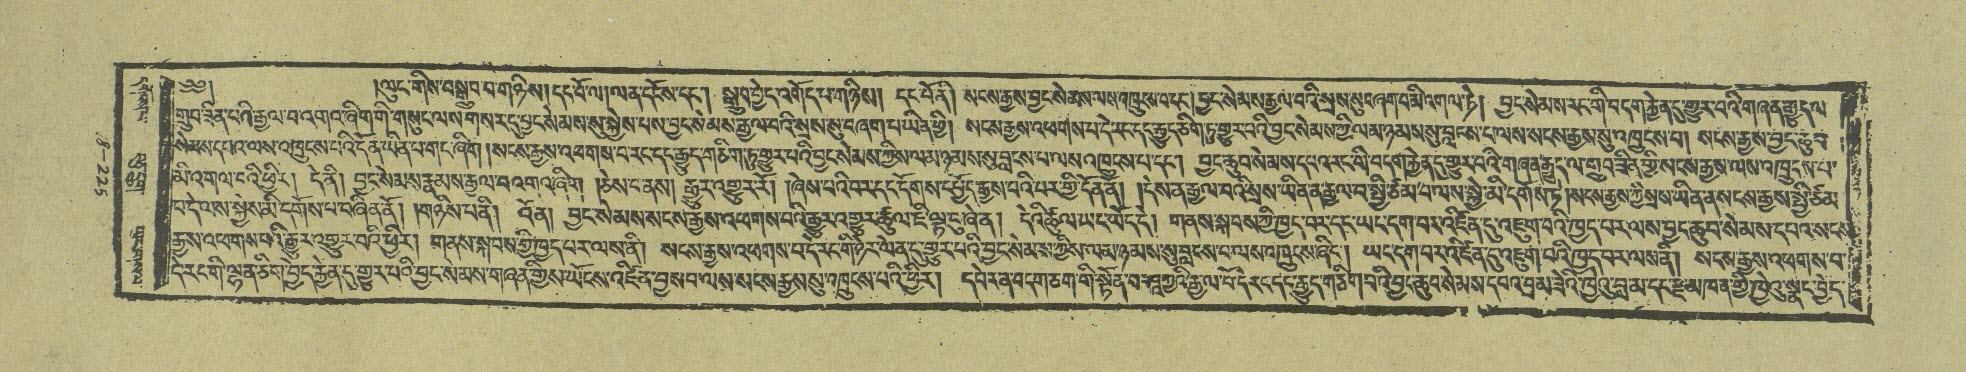༄༅། །ལུང་གིས་བསྒྲུབ་པ་གཉིས། དང་པོ་ལ། ལན་དངོས་དང་། སྒྲུབ་བྱེད་འགོད་པ་གཉིས། དང་པོ་ནི། སངས་རྒྱས་བྱང་སེམས་ལས་འཁྲུངས་པ་དང་། བྱང་སེམས་རྒྱལ་བའི་སྲས་སུ་བཞག་པ་མི་འགལ་ཏེ། བྱང་སེམས་རང་གི་བདག་རྐྱེན་དུ་གྱུར་པའི་གཞན་རྒྱུད་ལ་
གྲུབ་ཟིན་པའི་རྒྱལ་བ་འགའ་ཞིག་གི་གསུང་ལས་གསར་དུ་བྱང་སེམས་སུ་སྐྱེས་པས་བྱང་སེམས་རྒྱལ་བའི་སྲས་སུ་བཞག་པ་ཡིན་གྱི། སངས་རྒྱས་འཕགས་པ་དེ་རང་དང་རྒྱུད་ཅིག་ཏུ་གྱུར་པའི་བྱང་སེམས་ཀྱི་ལམ་ཉམས་སུ་བླངས་པ་ལས་སངས་རྒྱས་སུ་འཁྲུངས་པ། སངས་རྒྱས་བྱང་ཆུབ་
སེམས་དཔའ་ལས་འཁྲུངས་པའི་དོན་ཡིན་པ་གང་ཞིག །སངས་རྒྱས་འཕགས་པ་རང་དང་རྒྱུད་གཅིག་ཏུ་གྱུར་པའི་བྱང་སེམས་ཀྱིས་ལམ་ཉམས་སུ་བླངས་པ་ལས་འཁྲུངས་པ་དང་། བྱང་ཆུབ་སེམས་དཔའ་རང་གི་བདག་རྐྱེན་དུ་གྱུར་པའི་གཞན་རྒྱུད་ལ་གྲུབ་ཟིན་གྱི་སངས་རྒྱས་ལས་འཁྲུངས་པ་
མི་འགལ་བའི་ཕྱིར། དེ་ནི། བྱང་སེམས་རྣམས་རྒྱལ་བ་འགལ་ཞིག །ཅེས་པ་ནས། རྒྱུར་འགྱུར་རོ། །ཞེས་པའི་བར་དང་དོགས་དཔྱོད་རྒྱས་པའི་བར་གྱི་དོན་ནོ། །དེས་ན་རྒྱལ་བའི་སྲས་ཡིན་ན་རྒྱལ་བ་སྤྱི་ཙམ་པ་ལས་སྐྱེ་མི་དགོས་ཏེ། སངས་རྒྱས་ཀྱི་སྲས་ཡིན་ན་སངས་རྒྱས་སྤྱི་ཙམ་
པ་དེ་ལས་སྐྱེས་མི་དགོས་པ་བཞིན་ནོ། །གཉིས་པ་ནི། འོ་ན། བྱང་སེམས་སངས་རྒྱས་འཕགས་པའི་རྒྱུར་འགྱུར་ཚུལ་ཇི་ལྟ་བུ་ཞེ་ན། དེའི་ཚུལ་ཡང་ཡོད་དེ། གནས་སྐབས་ཀྱི་ཁྱད་པར་དང་ཡང་དག་པར་འཛིན་དུ་འཇུག་པའི་ཁྱད་པར་ལས་བྱང་ཆུབ་སེམས་དཔའ་སངས་
རྒྱས་འཕགས་པའི་རྒྱུར་འགྱུར་པའི་ཕྱིར། གནས་སྐབས་ཀྱི་ཁྱད་པར་ལས་ནི། སངས་རྒྱས་འཕགས་པ་དེ་རང་གི་ཉེར་ལེན་དུ་གྱུར་བའི་བྱང་སེམས་ཀྱིས་ལམ་ཉམས་སུ་བླངས་པ་ལས་འཁྲུངས་ཞིང་། ཡང་དག་པར་འཛིན་དུ་འཇུག་པའི་ཁྱད་པར་ལས་ནི། སངས་རྒྱས་འཕགས་པ་
དེ་རང་གི་ལྷན་ཅིག་བྱེད་རྐྱེན་དུ་གྱུར་བའི་བྱང་སེམས་གཞན་གྱིས་ཡོངས་འཛིན་བྱས་པ་ལས་སངས་རྒྱས་སུ་འཁྲུངས་པའི་ཕྱིར། དཔེར་ན་བདག་ཅག་གི་སྟོན་པ་ཤཱཀྱའི་རྒྱལ་པོ་དེ་རང་དང་རྒྱུད་གཅིག་པའི་བྱང་ཆུབ་སེམས་དཔའ་བྲམ་ཟེའི་ཁྱེའུ་བླ་མ་དང་རྫ་མཁན་གྱི་ཁྱེའུ་སྣང་བྱེད་